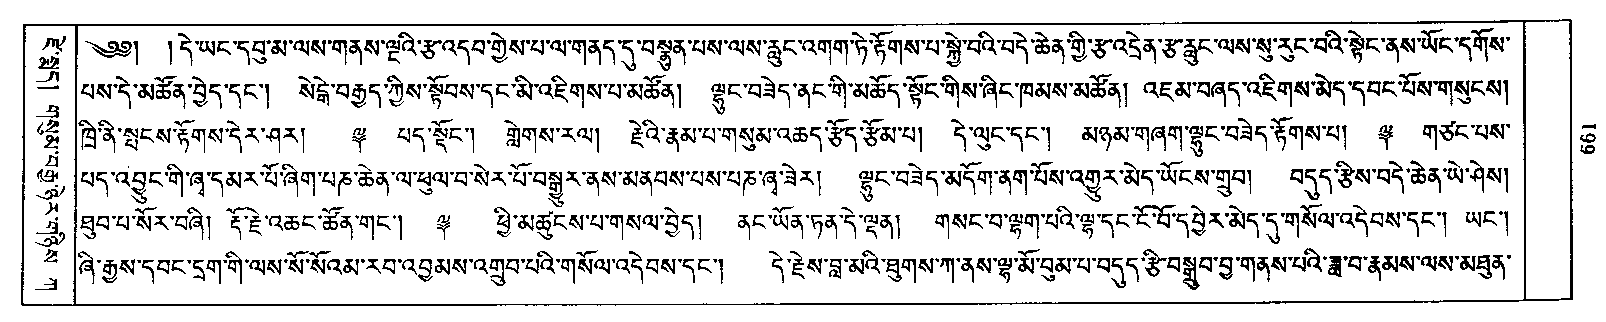༄༅། །དེ་ཡང་དབུ་མ་ལས་གནས་ལྔའི་རྩ་འདབ་གྱེས་པ་ལ་གནད་དུ་བསྣུན་པས་ལས་རླུང་འགག་ཏེ་རྟོགས་པ་སྐྱེ་བའི་བདེ་ཆེན་གྱི་རྩ་འདྲེན་རྩ་རླུང་ལས་སུ་རུང་བའི་སྟེང་ནས་ཡོང་དགོས་
པས་དེ་མཚོན་བྱེད་དང་། སེངྒེ་བརྒྱད་ཀྱིས་སྟོབས་དང་མི་འཇིགས་པ་མཚོན། ལྷུང་བཟེད་ནང་གི་མཆོད་སྟོང་གིས་ཞིང་ཁམས་མཚོན། འཇམ་བཞད་འཇིགས་མེད་དབང་པོས་གསུངས།
ཁྲི་ནི་སྤངས་རྟོགས་དེར་ཤར། ༈ པད་སྡོང་། གླེགས་རལ། རྗེའི་རྣམ་པ་གསུམ་འཆད་རྩོད་རྩོམ་པ། དེ་ལུང་དང་། མཉམ་གཞག་ལྷུང་བཟེད་རྟོགས་པ། ༈ གཙང་པས་
པད་འབྱུང་གི་ཞྭ་དམར་པོ་ཞིག་པཎ་ཆེན་ལ་ཕུལ་བ་སེར་པོ་བསྒྱུར་ནས་མནབས་པས་པཎ་ཞྭ་ཟེར། ལྷུང་བཟེད་མདོག་ནག་པོས་འགྱུར་མེད་ཡོངས་གྲུབ། བདུད་རྩིས་བདེ་ཆེན་ཡེ་ཤེས།
ཐུབ་པ་སོར་བཞི། རྡོ་རྗེ་འཆང་ཚོན་གང་། ༈ ཕྱི་མཚུངས་པ་གསལ་བྱེད། ནང་ཡོན་ཏན་དེ་ལྡན། གསང་བ་ལྷག་པའི་ལྷ་དང་ངོ་བོ་དབྱེར་མེད་དུ་གསོལ་འདེབས་དང་། ཡང་།
ཞི་རྒྱས་དབང་དྲག་གི་ལས་སོ་སོའམ་རབ་འབྱམས་འགྲུབ་པའི་གསོལ་འདེབས་དང་། དེ་རྗེས་བླ་མའི་ཐུགས་ཀ་ནས་ལྷ་མོ་བུམ་པ་བདུད་རྩི་བསྒྲུབ་བྱ་གནས་པའི་ཟླ་བ་རྣམས་ལས་མཐུན་